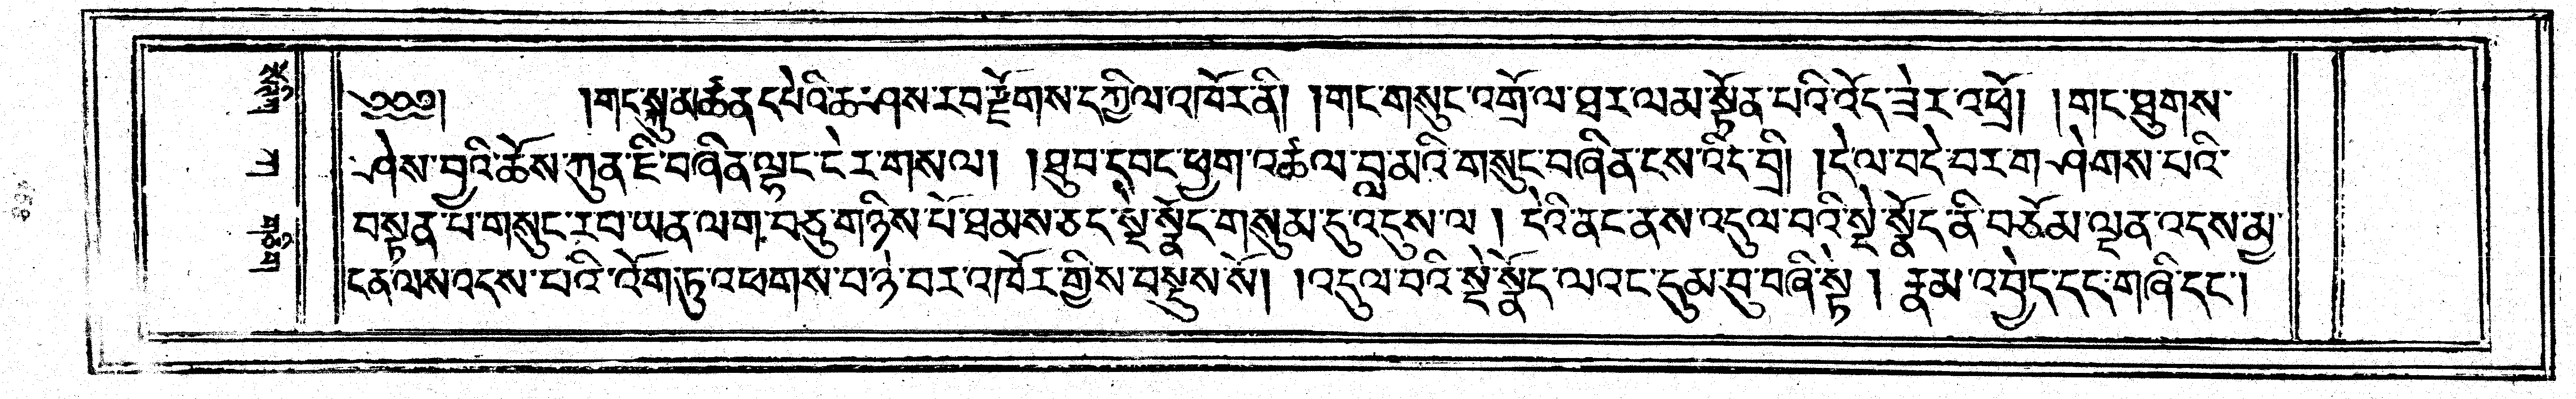༄༅༅། །གང་སྐུ་མཚན་དཔེའི་ཆ་ཤས་རབ་རྫོགས་དཀྱིལ་འཁོར་ནི། །གང་གསུང་འགྲོ་ལ་ཐར་ལམ་སྟོན་པའི་འོད་ཟེར་འཕྲོ། །གང་ཐུགས་
ཤེས་བྱའི་ཆོས་ཀུན་ཇི་བཞིན་ལྷང་ངེར་གསལ། །ཐུབ་དབང་ཕྱག་འཚལ་བླ་མའི་གསུང་བཞིན་ངས་འདི་བྲི། །དེ་ལ་བདེ་བར་གཤེགས་པའི་
བསྟན་པ་གསུང་རབ་ཡན་ལག་བཅུ་གཉིས་པོ་ཐམས་ཅད་སྡེ་སྣོད་གསུམ་དུ་འདུས་ལ། དེའི་ནང་ནས་འདུལ་བའི་སྡེ་སྣོད་ནི་བཅོམ་ལྡན་འདས་མྱ་
སོ། །འདུལ་བའི་སྡེ་སྣོད་ལའང་དུམ་བུ་བཞི་སྟེ། རྣམ་འབྱེད་སོ། །འདུལ་བའི་སྡེ་སྣོད་ལའང་དུམ་བུ་བཞི་སྟེ། རྣམ་འབྱེད་དང་གཞི་དང་།